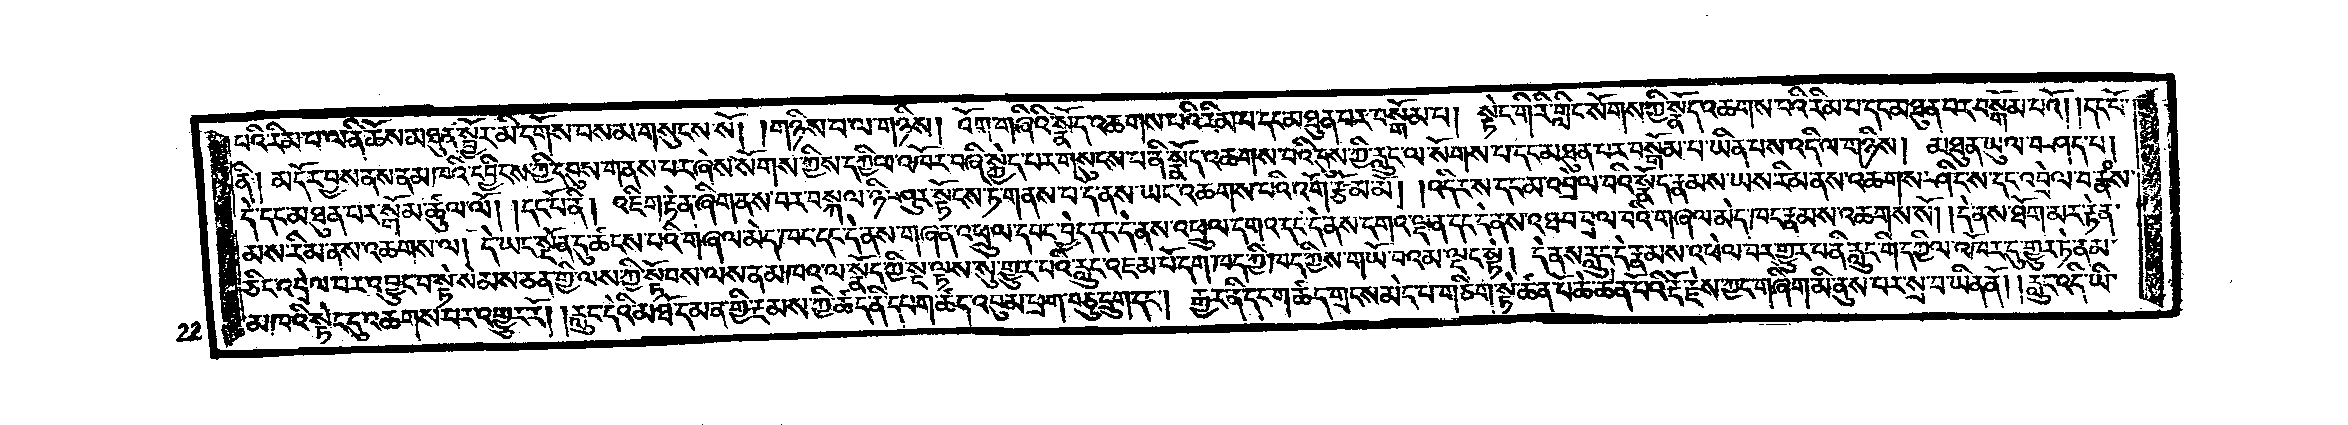པའི་རིམ་པ་ལ་ནི་ཆོས་མཐུན་སྦྱོར་མི་དགོས་པས་མ་གསུངས་སོ། །གཉིས་པ་ལ་གཉིས། འོག་གཞིའི་སྣོད་འཆགས་པའི་རིམ་པ་དང་མཐུན་པར་བསྒོམ་པ། སྟེང་གི་རི་གླིང་སོགས་ཀྱི་སྣོད་འཆགས་པའི་རིམ་པ་དང་མཐུན་པར་བསྒོམ་པའོ། །དང་པོ་
ནི། མདོར་བྱས་ནས་ནམ་མཁའི་དབྱིངས་ཀྱི་དབུས་གནས་པར་ཞེས་སོགས་ཀྱིས་དཀྱིལ་འཁོར་བཞི་སྐྱེད་པར་གསུངས་པ་ནི་སྣོད་འཆགས་པའི་དུས་ཀྱི་རླུང་ལ་སོགས་པ་དང་མཐུན་པར་བསྒོམ་པ་ཡིན་པས་འདི་ལ་གཉིས། མཐུན་ཡུལ་བཤད་པ།
དེ་དང་མཐུན་པར་སྒོམ་ཚུལ་ལོ། །དང་པོ་ནི། འཇིག་རྟེན་ཞིག་ནས་བར་བསྐལ་ཉི་ཤུར་སྟོངས་ཏེ་གནས་པ་དེ་ནས་ཡང་འཆགས་པའི་འགོ་རྩོམ་མོ། །འདིར་ས་དང་མ་འབྲེལ་བའི་སྣོད་རྣམས་ཡས་རིམ་ནས་འཆགས་ཤིང་ས་དང་འབྲེལ་བ་རྣམས་
མས་རིམ་ནས་འཆགས་ལ། དེ་ཡང་སྔོན་དུ་ཚངས་པའི་གཞལ་མེད་ཁང་དང་དེ་ནས་གཞན་འཕྲུལ་དབང་བྱེད་དང་དེ་ནས་འཕྲུལ་དགའ་དང་དེ་ནས་དགའ་ལྡན་དང་དེ་ནས་འཐབ་བྲལ་བའི་གཞལ་མེད་ཁང་རྣམས་འཆགས་སོ། །དེ་ནས་ཐོག་མར་རྟེན་
ཅིང་འབྲེལ་པར་འབྱུང་བ་སྟེ་སེམས་ཅན་གྱི་ལས་ཀྱི་སྟོབས་ལས་ནམ་མཁའ་ལ་སྣོད་ཀྱི་སྔ་ལྟས་སུ་གྱུར་པའི་རླུང་འཇམ་པོ་དག་ཁད་ཀྱི་ཁད་ཀྱིས་གཡོ་བའམ་ལྡང་སྟེ། དེ་ནས་རླུང་དེ་རྣམས་འཕེལ་བར་གྱུར་པ་ནི་རླུང་གི་དཀྱིལ་འཁོར་དུ་གྱུར་ཏེ་ནམ་
མཁའི་སྟེང་དུ་འཆགས་པར་འགྱུར་རོ། །རླུང་དེའི་མཐོ་དམན་གྱི་རྔམས་ཀྱི་ཚད་ནི་དཔག་ཚད་འབུམ་ཕྲག་བཅུ་དྲུག་དང་། རྒྱར་ནི་དཔག་ཚད་གྲངས་མེད་པ་གཅིག་སྟེ་ཚན་པོ་ཆེ་ཆེན་པོའི་རྡོ་རྗེས་ཀྱང་གཞིག་མི་ནུས་པར་སྲ་བ་ཡིན་ནོ། །རླུང་འདི་ཡི་